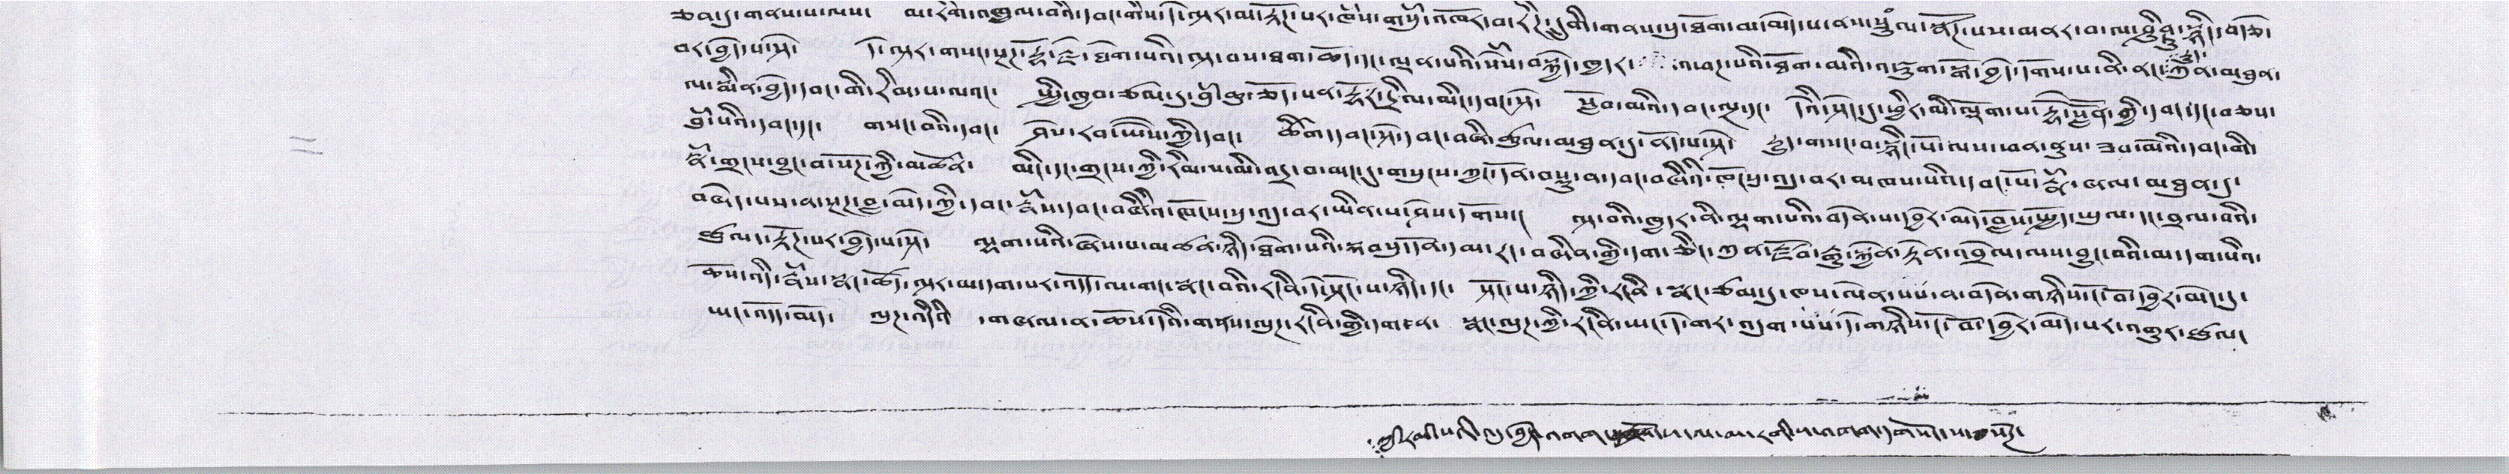ཅན་དུ་གནས་པ་ལས། མ་རིག་འཁྲུལ་པའི་དབང་གིས་དེ་ལྟར་མ་རྟོགས་པར་ཁམས་གསུམ་འཁོར་བ་རིགས་དྲུག་གི་གནས་སུ་ཐོག་མ་མེད་པ་ནས་སྡུག་བསྔལ་སྣ་ཚོགས་པས་མནར་བ་ལ་ཤིན་ཏུ་སྙིང་བརྩེ་
བར་བྱེད་པ་སྟེ། དེ་ལྟར་གསང་སྔགས་རྡོ་རྗེ་ཐེག་པའི་ལྟ་བས་ཐག་ཆོད་དང་ལྡན་པའི་སེམས་བསྐྱེད་ཁྱད་པར་འཕགས་པའི་ཐོག་མའི་འཇུག་སྒོ་བྱེད་དགོས་པ་ནི་ནང་རྒྱུད་ཀུན་མཐུན་
ལ་སྨིན་བྱེད་དབང་གི་རིམ་པ་ལའང་། སྤྱི་ཁྱབ་ཙམ་དུ་བུམ་ཆུ་ཅོད་པཎ་རྡོར་དྲིལ་མིང་དབང་སྟེ། སློབ་མའི་དབང་ལྔ་དང་། དེའི་སྟེང་དུ་ཕྱིར་མི་ལྡོག་པ་རྡོ་རྗེ་སློབ་དཔོན་གྱི་དབང་དང་བཅས། 
བུམ་པའི་དབང་དང་། གསང་བའི་དབང་། ཤེས་རབ་ཡེ་ཤེས་ཀྱི་དབང་། ཚིག་དབང་སྟེ་དབང་བཞི་ཚུལ་མཐུན་དུ་ནོད་པ་སྟེ། རྒྱུད་གསང་བ་སྙིང་པོ་ལས་ཕན་ནུས་ཟབ་མོའི་དབང་གི་
རྣམ་གྲངས་བྱུང་བ་སོགས་ཀྱི་མཚོན། མིང་དང་གྲངས་ཀྱི་རིམ་པ་མི་འདྲ་བ་མང་དུ་གསུངས་ཀྱང་དོན་བསྡུ་ན་དབང་གཞིའི་ཁོངས་སུ་འདུ་བར་མཁས་པའི་དབང་པོ་རྣམས་ཞལ་མཐུན་དུ་
བཞེད་པས་ན་སྔགས་བླ་མེད་ཀྱི་དབང་རྣམས་དབང་བཞིའི་ཁོངས་སུ་འདུ་བ་ཡིན་པར་ཤེས་དགོས། ལྟ་བའི་ཁྱད་པར་ནི་ལྷག་པའི་བདེན་པ་དབྱེར་མེད་བློས་སྤྱོད་ཡུལ་དང་བྲལ་བའི་
ཚུལ་རྟོགས་པར་བྱེད་པ་སྟེ། ལྷག་པའི་ཞེས་པ་མཚན་ཉིད་ཐེག་པའི་སྐབས་སུ་དོན་དམ་རང་བཞིན་གྱིས་དག་ཅིང་ཀུན་རྫོབ་རྒྱུ་རྐྱེན་རྟེན་འབྲེལ་ལས་བྱུང་བའི་མ་དག་པའི་
ཆོས་འདི་རྣམས་སྣང་ཚོད་ལྟར་མ་དག་པར་འདོད་ལ། གང་སྣང་བའི་རང་བཞིན་དེ་སྟོང་པ་ཉིད་དང་། སྟོང་པ་ཉིད་ཀྱི་རང་བཞིན་སྣང་ཙམ་དུ་ཁས་ལེན་པས་ན་བདེན་གཉིས་ངོ་བོ་དབྱེར་མེད་དུ་
ཡང་འདོད་མོད། ལུགས་འདིའི་གཞལ་ན་ཆོས་དེའི་གནས་ལུགས་རང་བཞིན་གྱིས་དག་ན། སྣང་ལུགས་ཀྱི་རང་བཞིན་ཡང་དེ་གར་འདུག་པས་དེ་གཉིས་ངོ་བོ་དབྱེར་མེད་པར་འགྱུར་ཚུལ་